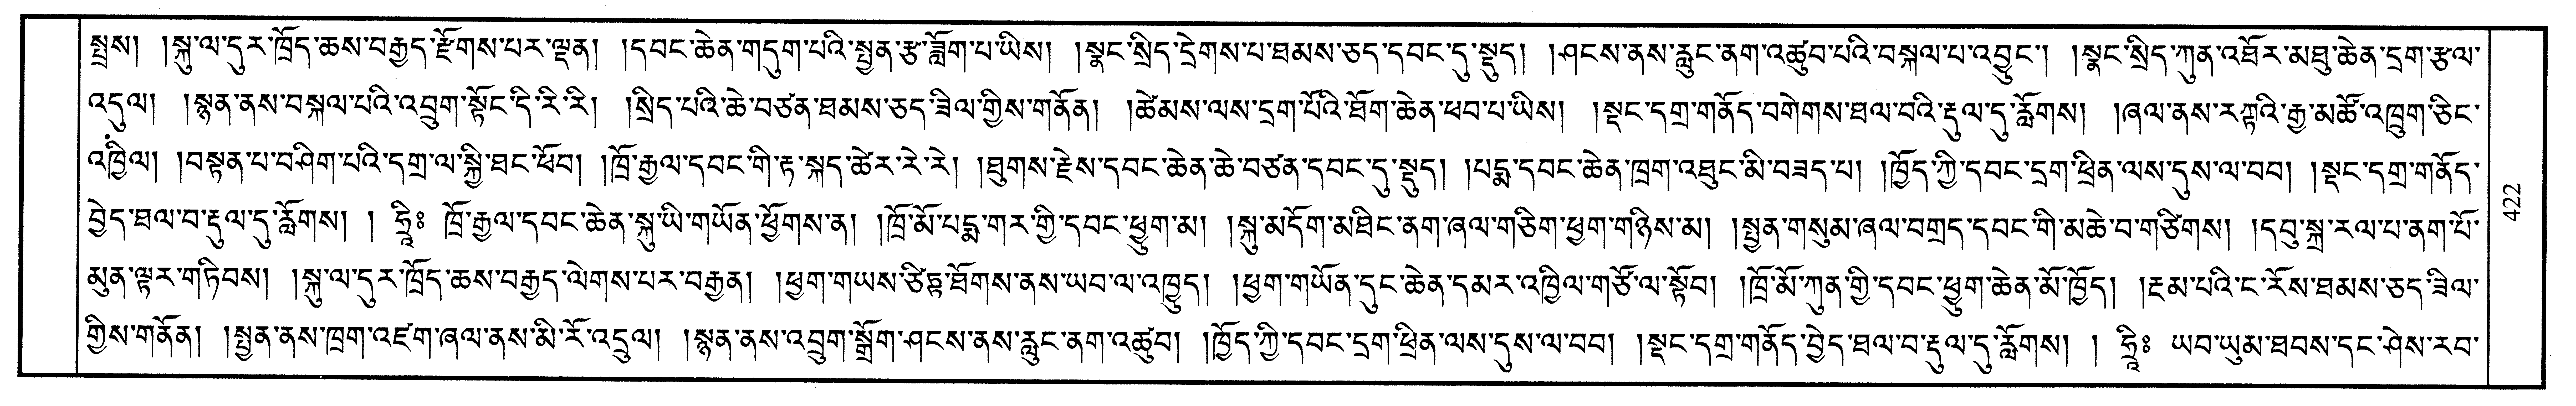སྤྲས། །སྐུ་ལ་དུར་ཁྲོད་ཆས་བརྒྱད་རྫོགས་པར་ལྡན། །དབང་ཆེན་གདུག་པའི་སྤྱན་རྩ་ཟློག་པ་ཡིས། །སྣང་སྲིད་དྲེགས་པ་ཐམས་ཅད་དབང་དུ་སྡུད། །ཤངས་ནས་རླུང་ནག་འཚུབ་པའི་བསྐལ་པ་འབྱུང་། །སྣང་སྲིད་ཀུན་འཐོར་མཐུ་ཆེན་དྲག་རྩལ་
འདུལ། །སྙན་ནས་བསྐལ་པའི་འབྲུག་སྟོང་དི་རི་རི། །སྲིད་པའི་ཆེ་བཙན་ཐམས་ཅད་ཟིལ་གྱིས་གནོན། །ཚེམས་ལས་དྲག་པོའི་ཐོག་ཆེན་ཕབ་པ་ཡིས། །སྡང་དགྲ་གནོད་བགེགས་ཐལ་བའི་རྡུལ་དུ་རློགས། །ཞལ་ནས་རཀྟའི་རྒྱ་མཚོ་འཁྲུག་ཅིང་
འཁྱིལ། །བསྟན་པ་བཤིག་པའི་དགྲ་ལ་སྐྱི་ཐང་ཕོབ། །ཁྲོ་རྒྱལ་དབང་གི་རྟ་སྐད་ཚེར་རེ་རེ། །ཐུགས་རྗེས་དབང་ཆེན་ཆེ་བཙན་དབང་དུ་སྡུད། །པདམ་དབང་ཆེན་ཁྲག་འཐུང་མི་བཟད་པ། །ཁྱོད་ཀྱི་དབང་དྲག་ཕྲིན་ལས་དུས་ལ་བབ། །སྡང་དགྲ་གནོད་
བྱེད་ཐལ་བ་རྡུལ་དུ་རློགས། །ཧྲཱིཿ ཁྲོ་རྒྱལ་དབང་ཆེན་སྐུ་ཡི་གཡོན་ཕྱོགས་ན། །ཁྲོ་མོ་པདམ་གར་གྱི་དབང་ཕྱུག་མ། །སྐུ་མདོག་མཐིང་ནག་ཞལ་གཅིག་ཕྱག་གཉིས་མ། །སྤྱན་གསུམ་ཞལ་བགྲད་དབང་གི་མཆེ་བ་གཙིགས། །དབུ་སྐྲ་རལ་པ་ནག་པོ་
མུན་ལྟར་གཏིབས། །སྐུ་ལ་དུར་ཁྲོད་ཆས་བརྒྱད་ལེགས་པར་བརྒྱན། །ཕྱག་གཡས་ཙིཏྟ་ཐོགས་ནས་ཡབ་ལ་འཁྱུད། །ཕྱག་གཡོན་དུང་ཆེན་དམར་འཁྱིལ་གཙོ་ལ་སྟོབ། །ཁྲོ་མོ་ཀུན་གྱི་དབང་ཕྱུག་ཆེན་མོ་ཁྱོད། །རྔམ་པའི་ང་རོས་ཐམས་ཅད་ཟིལ་
གྱིས་གནོན། །སྤྱན་ནས་ཁྲག་འཛག་ཞལ་ནས་མི་རོ་འདྲུལ། །སྙན་ནས་འབྲུག་སྒྲོག་ཤངས་ནས་རླུང་ནག་འཚུབ། །ཁྱོད་ཀྱི་དབང་དྲག་ཕྲིན་ལས་དུས་ལ་བབ། །སྡང་དགྲ་གནོད་བྱེད་ཐལ་བ་རྡུལ་དུ་རློགས། །ཧྲཱིཿ ཡབ་ཡུམ་ཐབས་དང་ཤེས་རབ་